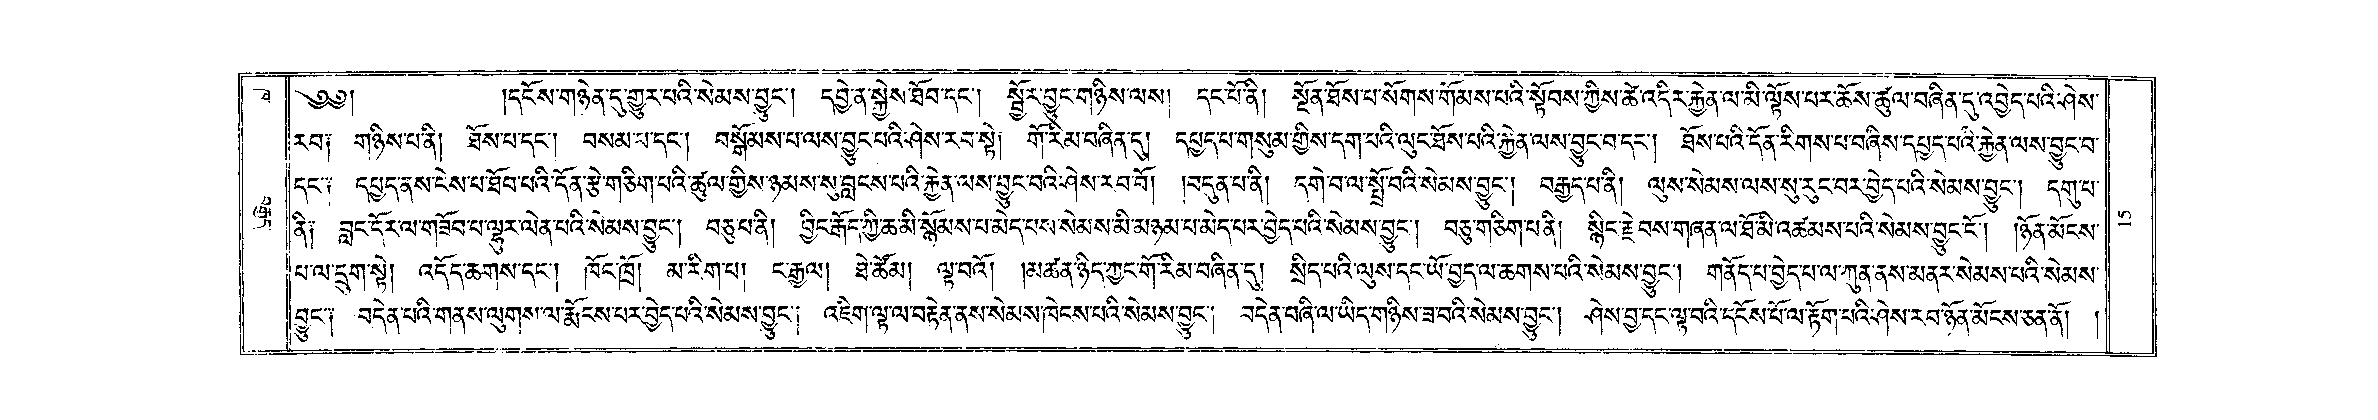༄༅། །དངོས་གཉེན་དུ་གྱུར་པའི་སེམས་བྱུང་། དབྱེ་ན་སྐྱེས་ཐོབ་དང་། སྦྱོར་བྱུང་གཉིས་ལས། དང་པོ་ནི། སྔོན་ཐོས་པ་སོགས་གོམས་པའི་སྟོབས་ཀྱིས་ཚེ་འདིར་རྐྱེན་ལ་མི་ལྟོས་པར་ཆོས་ཚུལ་བཞིན་དུ་འབྱེད་པའི་ཤེས་
རབ༑ གཉིས་པ་ནི། ཐོས་པ་དང་། བསམ་པ་དང་། བསྒོམས་པ་ལས་བྱུང་བའི་ཤེས་རབ་སྟེ། གོ་རིམ་བཞིན་དུ། དཔྱད་པ་གསུམ་གྱིས་དག་པའི་ལུང་ཐོས་པའི་རྐྱེན་ལས་བྱུང་བ་དང་། ཐོས་པའི་དོན་རིགས་པ་བཞིས་དཔྱད་པའི་རྐྱེན་ལས་བྱུང་བ་
དང༑ དཔྱད་ནས་ངེས་པ་ཐོབ་པའི་དོན་རྩེ་གཅིག་པའི་ཚུལ་གྱིས་ཉམས་སུ་བླངས་པའི་རྐྱེན་ལས་བྱུང་བའི་ཤེས་རབ་བོ། །བདུན་པ་ནི། དགེ་བ་ལ་སྤྲོ་བའི་སེམས་བྱུང་། བརྒྱད་པ་ནི། ལུས་སེམས་ལས་སུ་རུང་བར་བྱེད་པའི་སེམས་བྱུང་། དགུ་པ་
ནི༑ བླང་དོར་ལ་གཟོབ་པ་ལྷུར་ལེན་པའི་སེམས་བྱུང་། བཅུ་པ་ནི། བྱིང་རྒོད་ཀྱི་ཆ་མི་སྙོམས་པ་མེད་པས་སེམས་མི་མཉམ་པ་མེད་པར་བྱེད་པའི་སེམས་བྱུང་། བཅུ་གཅིག་པ་ནི། སྙིང་རྗེ་བས་གཞན་ལ་ཐོ་མི་འཚམས་པའི་སེམས་བྱུང་ངོ། །ཉོན་མོངས་
པ་ལ་དྲུག་སྟེ། འདོད་ཆགས་དང་། ཁོང་ཁྲོ། མ་རིག་པ། ང་རྒྱལ། ཐེ་ཚོམ། ལྟ་བའོ། །མཚན་ཉིད་ཀྱང་གོ་རིམ་བཞིན་དུ། སྲིད་པའི་ལུས་དང་ཡོ་བྱད་ལ་ཆགས་པའི་སེམས་བྱུང་། གནོད་པ་བྱེད་པ་ལ་ཀུན་ནས་མནར་སེམས་པའི་སེམས་
བྱུང༑ བདེན་པའི་གནས་ལུགས་ལ་རྨོངས་པར་བྱེད་པའི་སེམས་བྱུང་། འཇིག་ལྟ་ལ་བརྟེན་ནས་སེམས་ཁེངས་པའི་སེམས་བྱུང་། བདེན་བཞི་ལ་ཡིད་གཉིས་ཟ་བའི་སེམས་བྱུང་། ཤེས་བྱ་དང་ལྟ་བའི་དངོས་པོ་ལ་རྟོག་པའི་ཤེས་རབ་ཉོན་མོངས་ཅན་ནོ། །